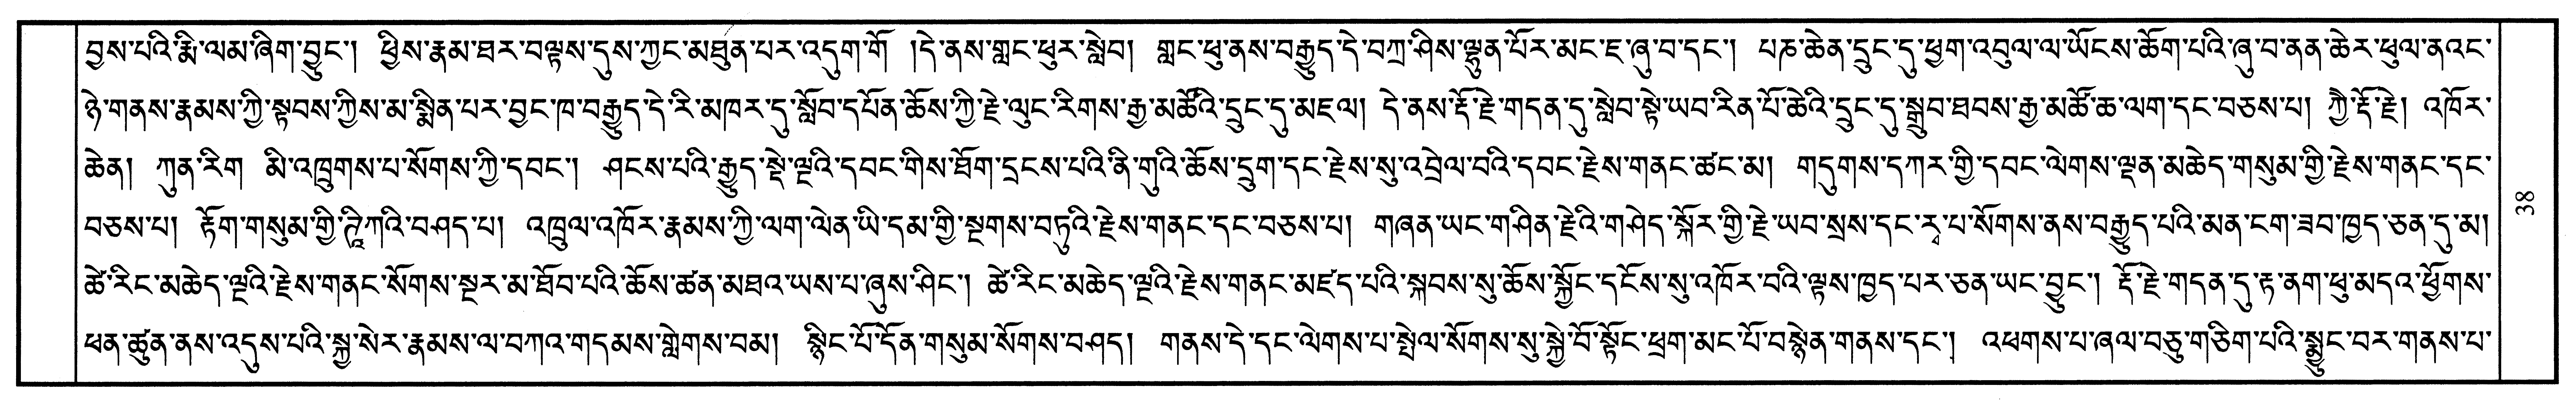བྱས་པའི་རྨི་ལམ་ཞིག་བྱུང་། ཕྱིས་རྣམ་ཐར་བལྟས་དུས་ཀྱང་མཐུན་པར་འདུག་གོ །དེ་ནས་གླང་ཕུར་སླེབ། གླང་ཕུ་ནས་བརྒྱུད་དེ་བཀྲ་ཤིས་ལྷུན་པོར་མང་ཇ་ཞུ་བ་དང་། པཎ་ཆེན་དྲུང་དུ་ཕྱག་འབུལ་ལ་ཡོངས་ཆོག་པའི་ཞུ་བ་ནན་ཆེར་ཕུལ་ནའང་
ཉེ་གནས་རྣམས་ཀྱི་སྟབས་ཀྱིས་མ་སྨིན་པར་བྱང་ཁ་བརྒྱུད་དེ་རི་མཁར་དུ་སློབ་དཔོན་ཆོས་ཀྱི་རྗེ་ལུང་རིགས་རྒྱ་མཚོའི་དྲུང་དུ་མཇལ། དེ་ནས་རྡོ་རྗེ་གདན་དུ་སླེབ་སྟེ་ཡབ་རིན་པོ་ཆེའི་དྲུང་དུ་སྒྲུབ་ཐབས་རྒྱ་མཚོ་ཆ་ལག་དང་བཅས་པ། ཀྱཻ་རྡོ་རྗེ། འཁོར་
ཆེན། ཀུན་རིག །མི་འཁྲུགས་པ་སོགས་ཀྱི་དབང་། ཤངས་པའི་རྒྱུད་སྡེ་ལྔའི་དབང་གིས་ཐོག་དྲངས་པའི་ནི་གུའི་ཆོས་དྲུག་དང་རྗེས་སུ་འབྲེལ་བའི་དབང་རྗེས་གནང་ཚང་མ། གདུགས་དཀར་གྱི་དབང་ལེགས་ལྡན་མཆེད་གསུམ་གྱི་རྗེས་གནང་དང་
བཅས་པ། རྟོག་གསུམ་གྱི་ཊཱིཀའི་བཤད་པ། འཁྲུལ་འཁོར་རྣམས་ཀྱི་ལག་ལེན་ཡི་དམ་གྱི་སྔགས་བཏུའི་རྗེས་གནང་དང་བཅས་པ། གཞན་ཡང་གཤིན་རྗེའི་གཤེད་སྐོར་གྱི་རྗེ་ཡབ་སྲས་དང་རྭ་པ་སོགས་ནས་བརྒྱུད་པའི་མན་ངག་ཟབ་ཁྱད་ཅན་དུ་མ།
ཚེ་རིང་མཆེད་ལྔའི་རྗེས་གནང་སོགས་སྔར་མ་ཐོབ་པའི་ཆོས་ཚན་མཐའ་ཡས་པ་ཞུས་ཤིང་། ཚེ་རིང་མཆེད་ལྔའི་རྗེས་གནང་མཛད་པའི་སྐབས་སུ་ཆོས་སྐྱོང་དངོས་སུ་འཁོར་བའི་ལྟས་ཁྱད་པར་ཅན་ཡང་བྱུང་། རྡོ་རྗེ་གདན་དུ་རྟ་ནག་ཕུ་མདའ་ཕྱོགས་
ཕན་ཚུན་ནས་འདུས་པའི་སྐྱ་སེར་རྣམས་ལ་བཀའ་གདམས་གླེགས་བམ། སྙིང་པོ་དོན་གསུམ་སོགས་བཤད། གནས་དེ་དང་ལེགས་པ་སྤེལ་སོགས་སུ་སྐྱེ་བོ་སྟོང་ཕྲག་མང་པོ་བསྙེན་གནས་དང་། འཕགས་པ་ཞལ་བཅུ་གཅིག་པའི་སྨྱུང་བར་གནས་པ་